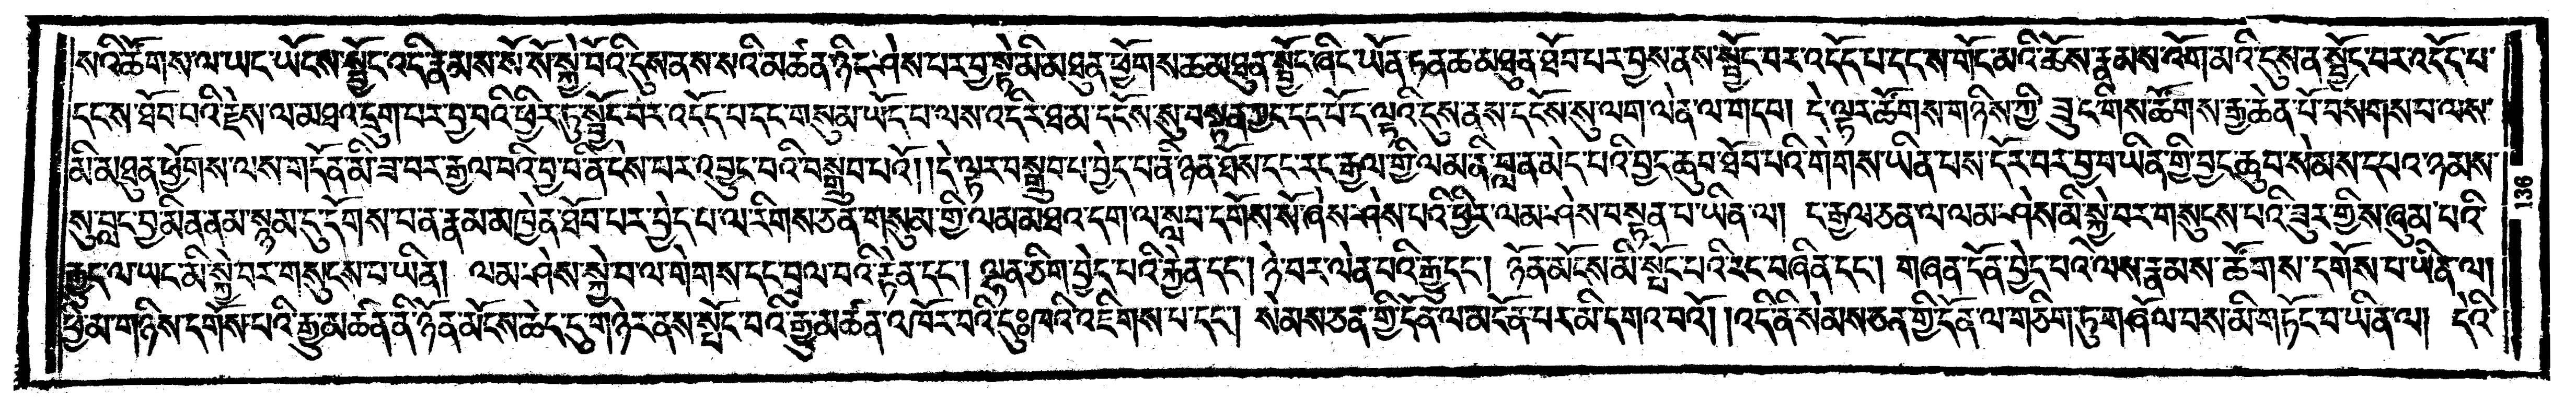སའི་ཚོགས་ལ་ཡང་ཡོངས་སྦྱོང་འདི་རྣམས་སོ་སོ་སྐྱེ་བོའི་དུས་ནས་སའི་མཚན་ཉིད་ཤེས་པར་བྱ་སྟེ་མི་མཐུན་ཕྱོགས་ཆ་མཐུན་སྦྱོང་ཞིང་ཡོན་ཏན་ཆ་མཐུན་ཐོབ་པར་བྱས་ནས་སྦྱོང་བར་འདོད་པ་དང་ས་གོང་མའི་ཆོས་རྣམས་འོག་མའི་དུས་ན་སྦྱོང་བར་འདོད་པ་
དང་ས་ཐོབ་པའི་རྗེས་ལ་མཐའ་དྲུག་པར་བྱ་བའི་ཕྱིར་ཏུ་སྦྱོང་བར་འདོད་པ་དང་གསུམ་ཡོད་པ་ལས་འདིར་ཐ་མ་དངོས་སུ་བསྟན་ཀྱང་དང་པོ་ད་ལྟའི་དུས་ནས་དངོས་སུ་ལག་ལེན་ལ་གདབ། དེ་ལྟར་ཚོགས་གཉིས་ཀྱི་ཟུང་གིས་ཚོགས་རྒྱ་ཆེན་པོ་བསགས་པ་ལས་
མི་མཐུན་ཕྱོགས་ལས་གདོན་མི་ཟ་བར་རྒྱལ་བའི་བྱ་བ་ནི་ངེས་པར་འབྱུང་བའི་བསྒྲུབ་པའོ། །དེ་ལྟར་བསྒྲུབ་པ་བྱེད་པ་ནི་ཉན་ཐོས་དང་རང་རྒྱལ་གྱི་ལམ་ནི་བླ་ན་མེད་པའི་བྱང་ཆུབ་ཐོབ་པའི་གེགས་ཡིན་པས་དོར་བར་བྱ་བ་ཡིན་གྱི་བྱང་ཆུབ་སེམས་དཔའ་ཉམས་
སུ་བླང་བྱ་མིན་ནམ་སྙམ་དུ་དོགས་པ་ན་རྣམ་མཁྱེན་ཐོབ་པར་བྱེད་པ་ལ་རིགས་ཅན་གསུམ་གྱི་ལམ་མཐའ་དག་ལ་སླབ་དགོས་སོ་ཞེས་ཤེས་པའི་ཕྱིར་ལམ་ཤེས་བསྟན་པ་ཡིན་ལ། ང་རྒྱལ་ཅན་ལ་ལམ་ཤེས་མི་སྐྱེ་བར་གསུངས་པའི་ཟུར་གྱིས་ཞུམ་པའི་
རྒྱུད་ལ་ཡང་མི་སྐྱེ་བར་གསུངས་པ་ཡིན། ལམ་ཤེས་སྐྱེ་བ་ལ་གེགས་དང་བྲལ་བའི་རྟེན་དང་། ལྷན་ཅིག་བྱེད་པའི་རྐྱེན་དང་། ཉེ་བར་ལེན་པའི་རྒྱུ་དང་། ཉོན་མོངས་མི་སྤོང་བའི་རང་བཞིན་དང་། གཞན་དོན་བྱེད་པའི་ལས་རྣམས་ཚོགས་དགོས་པ་ཡིན་ལ།
ཕྱི་མ་གཉིས་དགོས་པའི་རྒྱུ་མཚན་ནི་ཉོན་མོངས་ཆེད་དུ་གཉེར་ནས་སྤོང་བའི་རྒྱུ་མཚན་འཁོར་བའི་དུཿ ཁའི་འཇིགས་པ་དང་། སེམས་ཅན་གྱི་དོན་ལ་མངོན་པར་མི་དགའ་བའོ། །འདི་ནི་སེམས་ཅན་གྱི་དོན་ལ་གཅིག་ཏུ་གཞོལ་བས་མི་གཏོང་བ་ཡིན་ལ། དེའི་